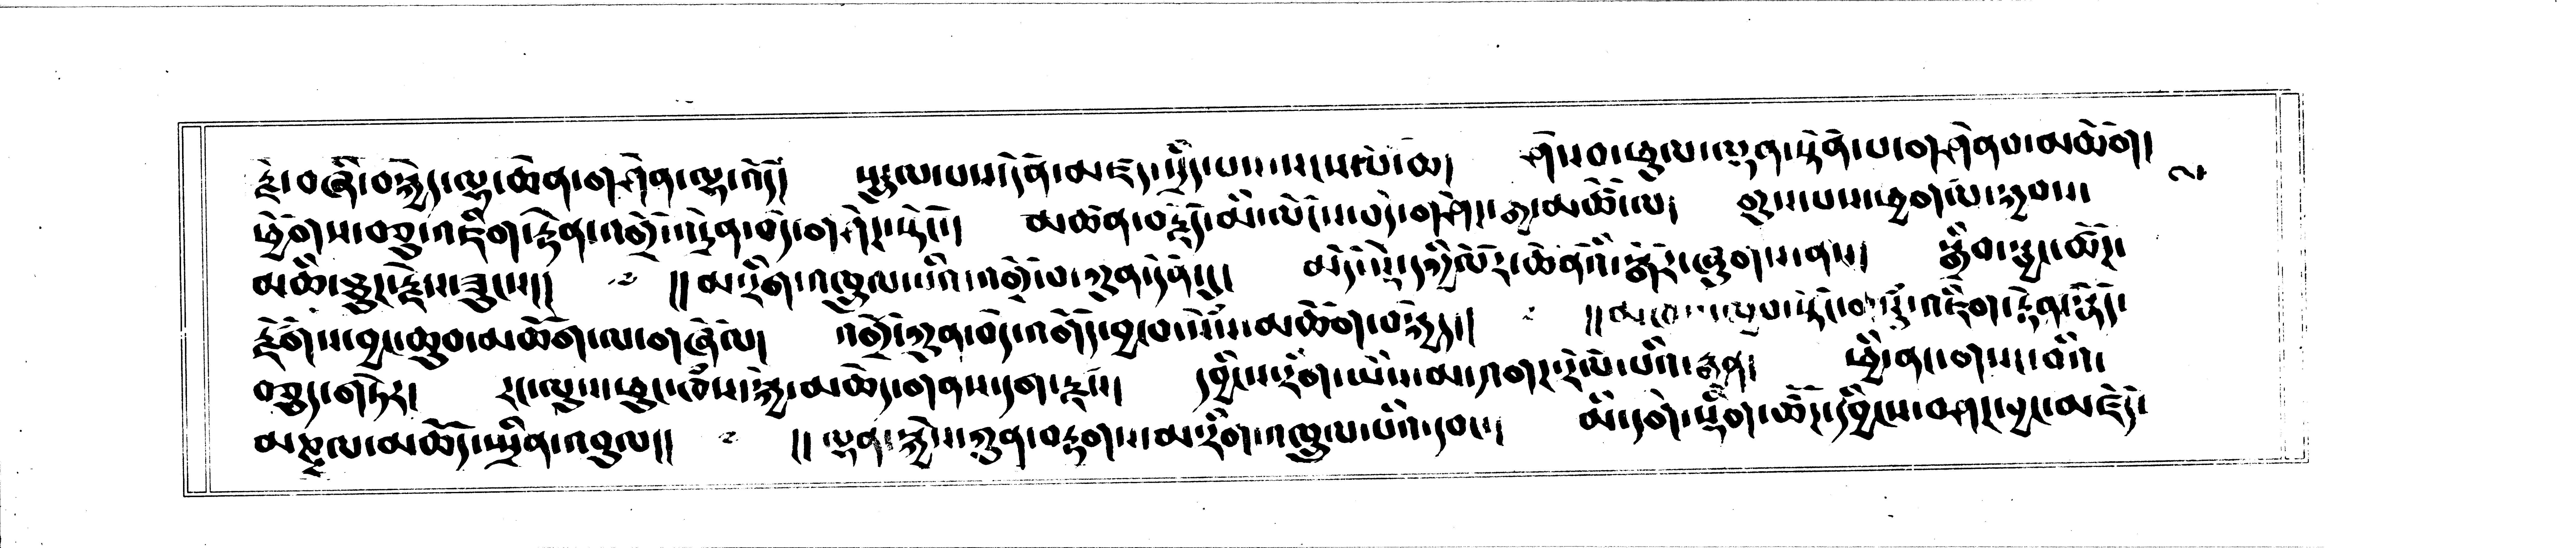རྗེ་བཞི་བསྐྱེད་ལྷ་ཆེན་གཤེན་ལྷ་འོད། །སྤྲུལ་པས་དོན་མཛད་སྲིད་པ་སངས་པོ་ཆེ། །ཤེས་རབ་ཕུལ་ལྡན་སྟོན་པ་གཤེན་རབ་མཆོག །
ཕྱོགས་བཅུ་འཇིག་རྟེན་འགྲོ་འདྲེན་བདེར་གཤེགས་སྟོང་། །མཚན་བརྗོད་མི་ལོངས་བདེར་གཤེགས་རྒྱ་མཚོ་ལ། །གུས་པས་ཕྱག་འཚལ་སྐྱབས་
མཆི་ཐུགས་རྗེས་ཟུངས། །མ་རིག་འཁྲུལ་པའི་འགྲོ་བ་ཀུན་དོན་དུ། །མདོ་སྡེ་དཀྱིལ་འཁོར་ཆེན་པོའི་སྒོར་ཞུགས་ནས། །སྒྲིབ་སྦྱོང་ཚོགས་
རྫོགས་བྱང་ཆུབ་མཆོག་ལ་གཞོལ། །འགྲོ་ཀུན་བདེ་འགོད་བྱང་ཆུབ་སེམས་མཆོག་བསྐྱེད། །མཁའ་ཁྱབ་སྟོང་གསུམ་འཇིག་རྟེན་སྣོད་
བཅུད་གཏེར། །རང་ལུས་ཕུང་ཁམས་སྐྱེ་མཆེད་གནས་དག་རྫས། །དབྱིངས་རིག་ཡེ་ཤེས་མ་འགག་རོལ་པའི་རྒྱན། །ཕྱི་ནང་གསང་བའི་
མཎྚལ་མཆོད་སྤྲིན་འབུལ། །ལྷན་སྐྱེས་ཀུན་བཏགས་མ་རིག་འཁྲུལ་པའི་དབང་། །མི་དགེ་སྡིག་ཚོགས་དབྱིངས་བཤགས་བྱང་མཛོད་